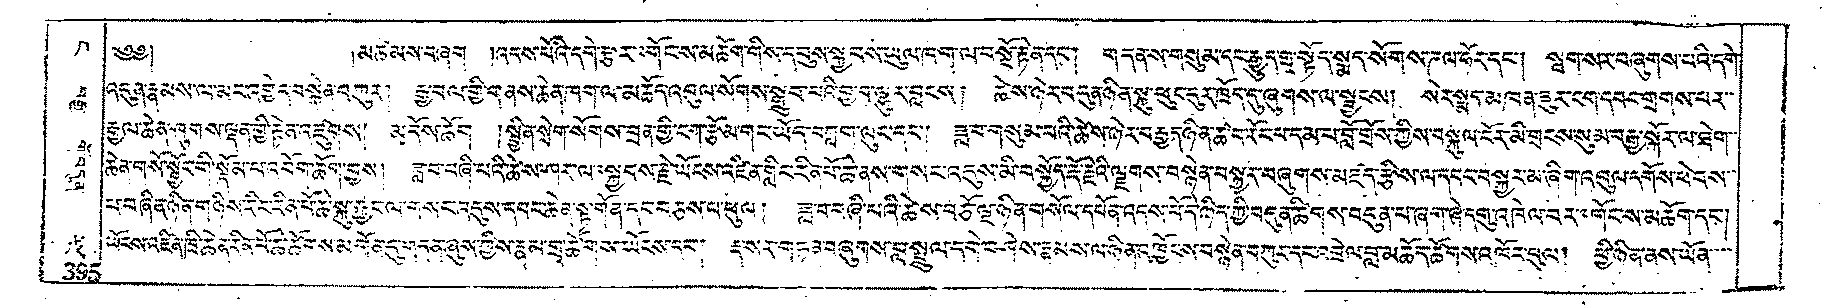༄༅། །མཚམས་བཞག །འདས་པོའི་དགེ་རྩར་༧གོང་ས་མཆོག་གིས་དབུས་སྐྱབས་ཡུལ་ཁག་ལ་བསྔོ་རྟེན་དང་། གདན་ས་གསུམ་དང་རྒྱུད་གྲྭ་སྟོད་སྨད་སོགས་ཌལ་ཧོར་དང་། སྦག་སར་བཞུགས་པའི་དགེ་
འདུན་རྣམས་ལ་མང་འགྱེད་བསྙེན་བཀུར། རྒྱ་བལ་གྱི་གནས་ཆེན་ཁག་ལ་མཆོད་འབུལ་སོགས་སྒྲུབ་པའི་བྱ་བ་ལྷུར་བླངས། ཚེས་ཉེར་བདུན་ཉིན་སྐུ་ཕུང་དུར་ཁྲོད་དུ་ཞུགས་ལ་སྦྱངས། སེར་སྨད་མཁན་ཟུར་ངག་དབང་གྲགས་པར་
རྒྱལ་ཆེན་ཤུགས་ལྡན་གྱི་རྟེན་འཛུགས། མདོས་ཆོག །སྦྱིན་སྲེག་སོགས་ཕྲན་གྱི་ངག་རྩོམ་གང་ཡོད་བཀླག་ལུང་དང་། ཟླ་བ་གསུམ་པའི་ཚེས་ཉེར་བརྒྱད་ཉིན་ཚ་བ་རོང་པ་དམ་པ་བློ་གྲོས་ཀྱིས་བསྐུལ་ངོར་མི་གྲངས་སུམ་བརྒྱ་སྐོར་ལ་ཐེག་
ཆེན་གསོ་སྦྱོང་གི་སྡོམ་པ་འབོག་ཆོག་བྱས། ཟླ་བ་བཞི་པའི་ཚེས་ཤར་ལ་༧སྐྱབས་རྗེ་ཡོངས་འཛིན་གླིང་རིན་པོ་ཆེ་ནས་གསང་འདུས་མི་བསྐྱོད་རྡོ་ར་ཨེའི་ལྗགས་བསྙེན་བསྐྱར་བཞུགས་མཛད་རྩིས་ལ་དབང་བསྐྱར་མ་ཞིག་འབུལ་དགོས་ཕེབས་
པ་བཞིན་ཉིན་གཉིས་རིང་རིན་པོ་ཆེ་སྐུ་རྐྱང་ལ་གསང་འདུས་དབང་ཆེན་སྟ་གོན་དང་བཅས་པ་ཕུལ། ཟླ་བ་བཞི་པའི་ཚེས་བཅོ་ལྔ་ཉིན་གསོལ་དཔོན་འདས་པོ་དེ་ཉིད་ཀྱི་བདུན་ཚིགས་བདུན་པ་ཞག་ཞེ་དགུ་འཁེལ་བར་༧གོང་ས་མཆོག་དང་།
ཡོངས་འཛིན་ཁྲི་ཆེན་རིན་པོ་ཆེ་ཚོགས་མགོན་དུ་གདན་ཞུས་ཀྱིས་རྣམ་གྲྭ་ཚོགས་ཡོངས་དང་། རྡ་སར་གཏན་བཞུགས་བླ་སྤྲུལ་དགེ་བཤེས་རྣམས་ལ་ཉིན་འཁྱོངས་བསྙེན་བཀུར་དང་འབྲེལ་བླ་མཆོད་ཚོགས་འཁོར་ཕུལ། ཕྱི་ཉིན་ནས་ཡོན་